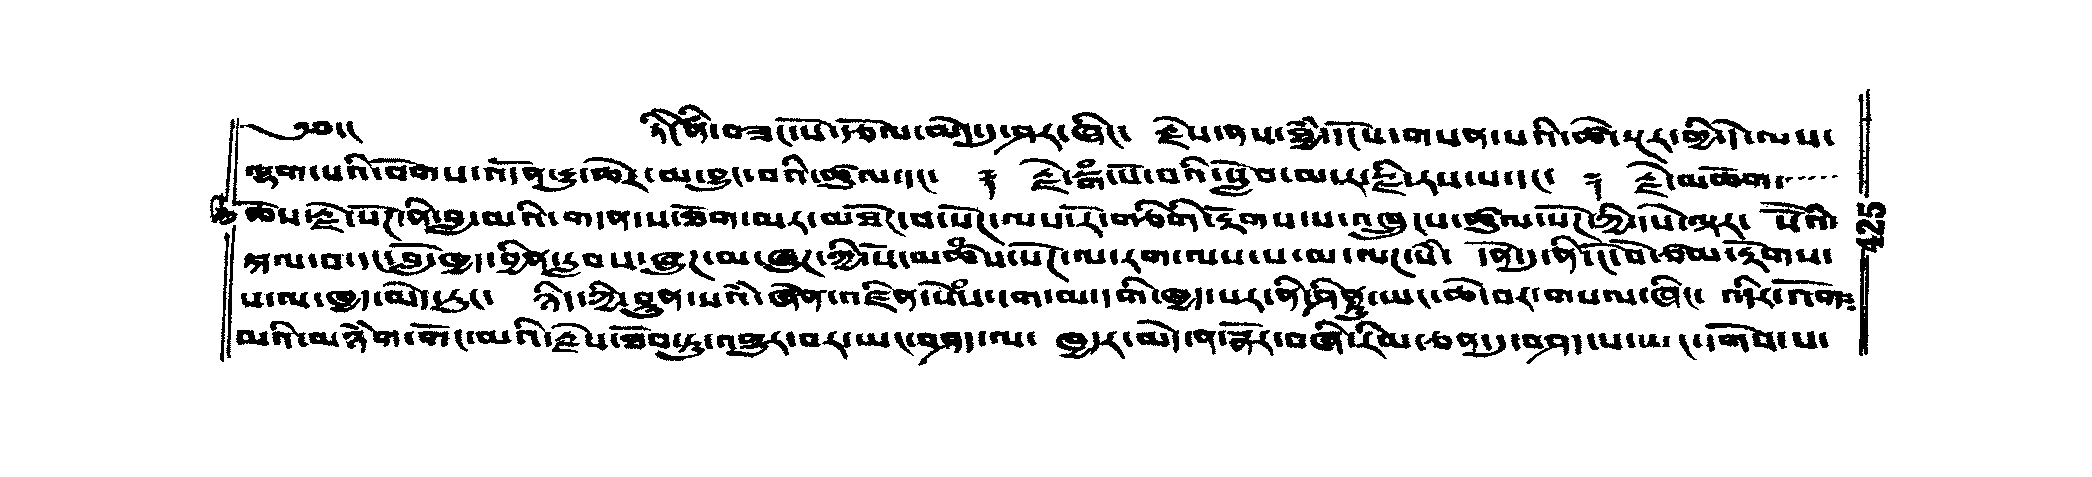ཏིང་འཛིན་བཟང་པོ་རྩོལ་མེད་དུ་ཤར་ཞིང་། རྗེས་ནས་ཐུགས་རྗེ་དངོས་གསན་པའི་ཚེ་སྔར་གྱི་དེ་ལས་
ལྷག་པའི་བོགས་འདོན་རྒྱུ་ཆེར་མ་བྱུང་བའི་ཚུལ་དང་། ༈ རྗེ་སྒམ་པོ་བའི་སློབ་མ་ར་རྗི་རས་པ་དང་། ༈ རྗེ་མཆོག་
ཆོས་རྗེ་སོགས་ནི་བླ་མའི་གདན་ས་ཐོག་མར་མཐོང་བ་སོགས་ལས་རོ་གཅིག་གི་རྟོགས་པ་འཁྲུངས་ཚུལ་སོགས་ཀྱི་དཔེ་ལྟར། སོ་སོའི་
སྐལ་བ་དང་བློ་ཁྱད་བྱིན་རླབས་ཞུགས་མ་ཞུགས་ཀྱི་སོ་མཚམས་སོགས་ལ་རག་ལས་པ་མ་ལགས་སམ། དོན་དུ་ནི་ངོ་བོ་ཙམ་རྟོགས་
ས་ལ་ཁྱད་མེད་རུང་། ཉིད་ཀྱི་ཤུན་པའམ་ཞེན་འཛིན་སེམས་དག་མ་དག་གི་ཁྱད་པར་ནི་ཤིན་ཏུ་ཡང་ཆེ་བར་གསལ་ཞིང་། འདིར་འོག་
མའི་མཉམ་གཞག་གོང་མའི་རྗེས་ཐོབ་ཏུ་འགྱུར་བར་ཡང་བཤད་ལ། ཁྱད་མེད་ན་རྣལ་འབྱོར་བཞི་རིམ་ཅན་དུ་བཤད་པ་ཡང་དགོས་པ་